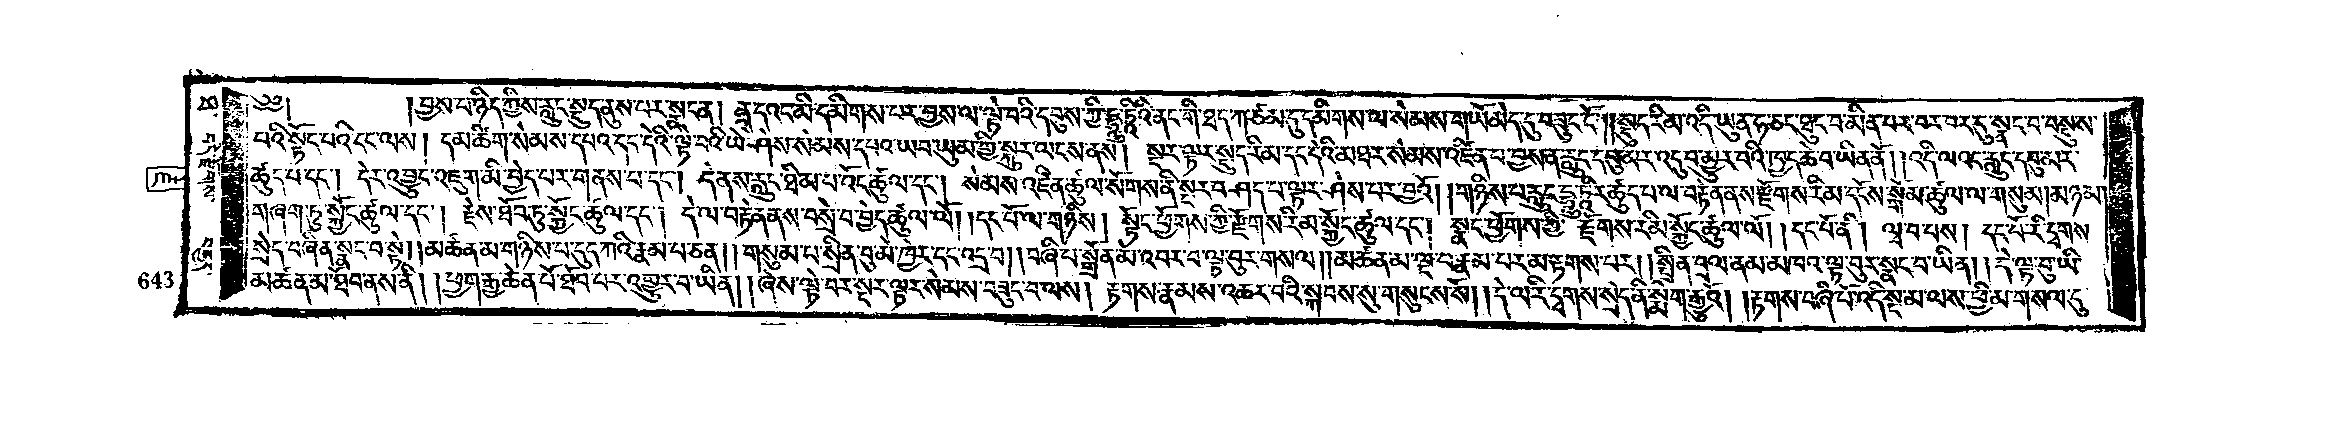༄༅། །བྱས་པ་ཉིད་ཀྱིས་རླུང་སྡུད་ནུས་པར་སྣང་ན། ནཱ་དའང་མི་དམིགས་པར་བྱས་ལ་ལྟེ་བའི་དབུས་ཀྱི་དྷཱུ་ཏཱིའི་ནང་གི་ཐད་ཀ་ཙམ་དུ་དམིགས་ལ་སེམས་གཡོ་མེད་དུ་བཟུང་ངོ། །སྡུད་རིམ་འདི་ཡུན་ཧ་ཅང་ཐུང་བ་མིན་པར་བར་བར་དུ་སྣང་བ་བསྡུས་
པའི་སྟོང་པའི་ངང་ལས། དམ་ཚིག་སེམས་དཔའ་དང་དེའི་ལྟེ་བའི་ཡེ་ཤེས་སེམས་དཔའ་ཡབ་ཡུམ་གྱི་སྐུར་ལངས་ནས། སྔར་ལྟར་སྡུད་རིམ་དང་དེའི་མཐར་སེམས་འཛིན་པ་བྱས་ན་རླུང་དབུ་མར་འདུ་བ་མྱུར་བའི་ཁྱད་ཆེ་བ་ཡིན་ནོ། །འདི་ལའང་རླུང་དབུ་མར་
ཚུད་པ་དང་། དེར་འབྱུང་འཇུག་མི་བྱེད་པར་གནས་པ་དང་། དེ་ནས་རླུང་ཐིམ་པ་འོང་ཚུལ་དང་། སེམས་འཛིན་ཚུལ་སོགས་ནི་སྔར་བཤད་པ་ལྟར་ཤེས་པར་བྱའོ། །གཉིས་པ་རླུང་དྷཱུ་ཏཱིར་ཚུད་པ་ལ་བརྟེན་ནས་རྫོགས་རིམ་དངོས་སྒོམ་ཚུལ་ལ་གསུམ། མཉམ་
གཞག་ཏུ་སྐྱོང་ཚུལ་དང་། རྗེས་ཐོབ་ཏུ་སྐྱོང་ཚུལ་དང་། དེ་ལ་བརྟེན་ནས་བསྲེ་བ་བྱེད་ཚུལ་ལོ། །དང་པོ་ལ་གཉིས། སྟོང་ཕྱོགས་ཀྱི་རྫོགས་རིམ་སྐྱོང་ཚུལ་དང་། སྣང་ཕྱོགས་ཀྱི་རྫོགས་རིམ་སྐྱོང་ཚུལ་ལོ། །དང་པོ་ནི། ལྭ་བ་པས། དང་པོ་རི་དྭགས་
སྲིད་བཞིན་སྣང་བ་སྟེ། །མཚན་མ་གཉིས་པ་དུད་ཀའི་རྣམ་པ་ཅན། །གསུམ་པ་སྲིན་བུ་མེ་ཁྱེར་དང་འདྲ་བ། །བཞི་པ་སྒྲོན་མེ་འབར་བ་ལྟ་བུར་གསལ། །མཚན་མ་ལྔ་པ་རྣམ་པར་མ་རྟགས་པར། །སྤྲིན་བྲལ་ནམ་མཁའ་ལྟ་བུར་སྣང་བ་ཡིན། །དེ་ལྟ་བུ་ཡི་
མཚན་མ་ཐོབ་ནས་ནི། །ཕྱག་རྒྱ་ཆེན་པོ་ཐོབ་པར་འགྱུར་བ་ཡིན། །ཞེས་ལྟེ་བར་སྔར་ལྟར་སེམས་བཟུང་བ་ལས། རྟགས་རྣམས་འཆར་བའི་སྐབས་སུ་གསུངས་སོ། །དེ་ལ་རི་དྭགས་སྲེད་ནི་སྨིག་རྒྱུའོ། །རྟགས་བཞི་པོ་འདི་སྔ་མ་ལས་ཕྱི་མ་གསལ་དུ་